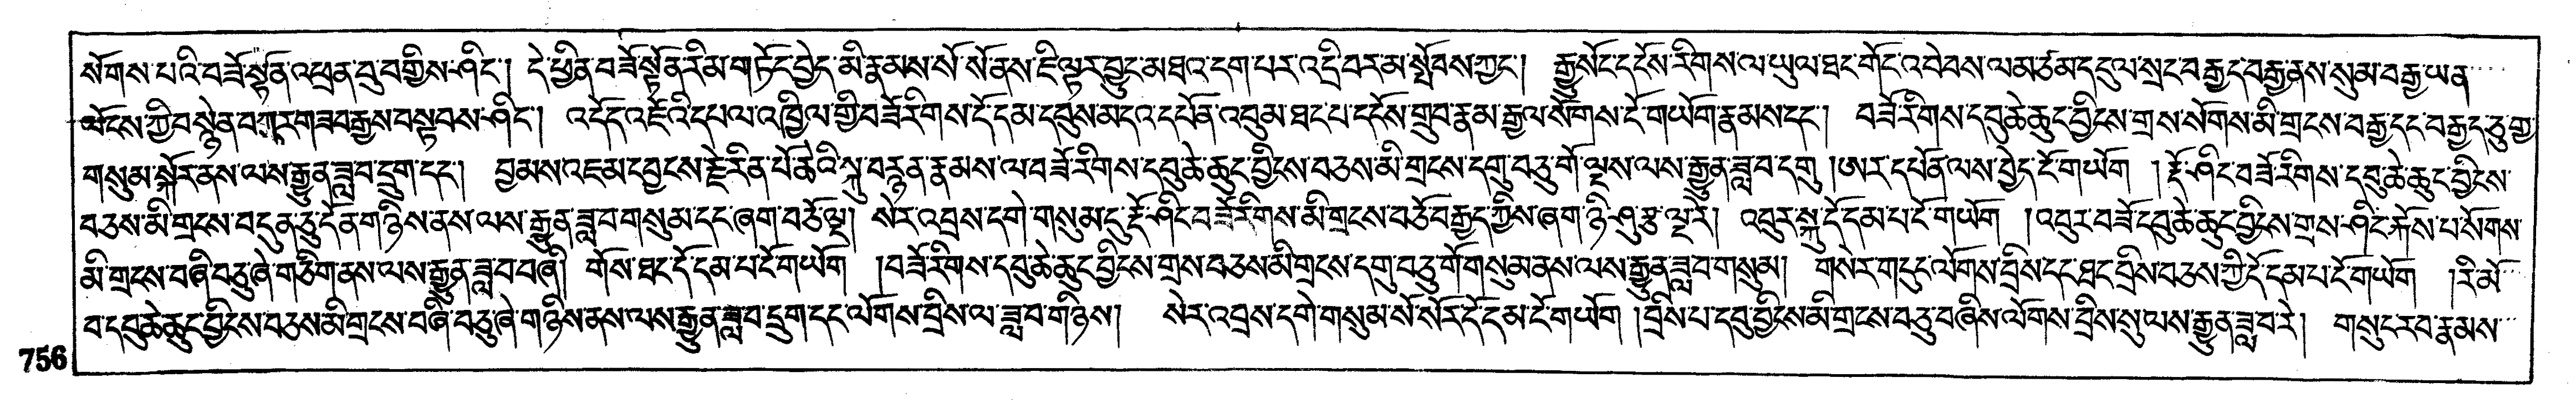སོགས་པའི་བཟོ་སྟོན་འཕྲན་བུ་བགྱིས་ཤིང་། དེ་ཕྱིན་བཟོ་སྟོན་རིམ་གཏོང་བྱེད་མི་རྣམས་སོ་སོ་ནས་ཇི་ལྟར་བྱུང་མཐའ་དག་པར་འདྲི་བར་མ་སྤོབས་ཀྱང་། རྒྱུ་སོང་དངོས་རིགས་ལ་ཡུལ་ཐང་གང་འབེབས་ལམ་ཙམ་དངུལ་སྲང་བརྒྱད་བརྒྱ་ནས་སུམ་བརྒྱ་ཡན་
ལོངས་ཀྱི་བསྙེན་བཀུར་གཟབ་རྒྱས་བསྟབས་ཤིང་། འདོད་འཇོའི་དབལ་འཁྱིལ་གྱི་བཟོ་རིགས་དོ་དམ་དབུས་མདའ་དཔོན་འབུམ་ཐང་པ་དངོས་གྲུབ་རྣམ་རྒྱལ་སོགས་ངོ་གཡོག་རྣམས་དང་། བཟོ་རིགས་དབུ་ཆེ་ཆུང་བྱིངས་གྲས་སོགས་མི་གྲངས་བརྒྱ་དང་བརྒྱད་ཅུ་གྱ་
གསུམ་སྐོར་ནས་ལས་རྒྱུན་ཟླ་བ་དྲུག་དང་། བྱམས་འཇམ་དབྱངས་རྗེ་རིན་པོ་ཆེའི་སྐུ་བརྙན་རྣམས་ལ་བཟེ་རིགས་དབུ་ཆེ་ཆུང་བྱིངས་བཅས་མི་གྲངས་དགུ་བཅུ་གོ་ལྔས་ལས་རྒྱུན་ཟླ་བ་དགུ །ཨར་དཔོན་ལས་བྱེད་ངོ་གཡོག །རྡོ་ཤིང་བཟོ་རིགས་དབུ་ཆེ་ཆུང་བྱིངས་
བཅས་མི་གྲངས་བདུན་ཅུ་དོན་གཉིས་ནས་ལས་རྒྱུན་ཟླ་བ་གསུམ་དང་ཞག་བཅོ་ལྔ། སེར་འབྲས་དགེ་གསུམ་དུ་རྡོ་ཤིང་བཟོ་རིགས་མི་གྲངས་བཅོ་བརྒྱད་ཀྱིས་ཞག་ཉི་ཤུ་རྩ་ལྔ་རེ། འབུར་སྐུ་དོ་དམ་པ་དོ་གཡོག །འབུར་བཟོ་དབུ་ཆེ་ཆུང་བྱིངས་གྲས་ཤིང་རྐོས་པ་སོགས་
མི་གྲངས་བཞི་བཅུ་ཞེ་གཅིག་ནས་ལས་རྒྱུན་ཟླ་བ་བཞི། གོས་ཐང་དོ་དམ་པ་ངོ་གཡོག །བཟོ་རིགས་དབུ་ཆེ་ཆུང་བྱིངས་གྲས་བཅས་མི་གྲངས་དགུ་བཅུ་གོ་གསུམ་ནས་ལས་རྒྱུན་ཟླ་བ་གསུམ། གསེར་གདུང་ལོགས་བྲིས་དང་ཐང་བྲིས་བཅས་ཀྱི་དོ་དམ་པ་ངོ་གཡོག །རི་མོ་
བ་དབུ་ཆེ་ཆུང་བྱིངས་བཅས་མི་གྲངས་བཞི་བཅུ་ཞེ་གཉིས་ནས་ལས་རྒྱུན་ཟླ་བ་དྲུག་དང་ལོགས་བྲིས་ལ་ཟླ་བ་གཉིས། སེར་འབྲས་དགེ་གསུམ་སོ་སོར་དོ་དམ་ངོ་གཡོག །བྲིས་པ་དབུ་བྱིངས་མི་གྲངས་བཅུ་བཞིས་ལོགས་དྲིས་སུ་ལས་རྒྱུན་ཟླ་བ་རེ། གསུང་རབ་རྣམས་